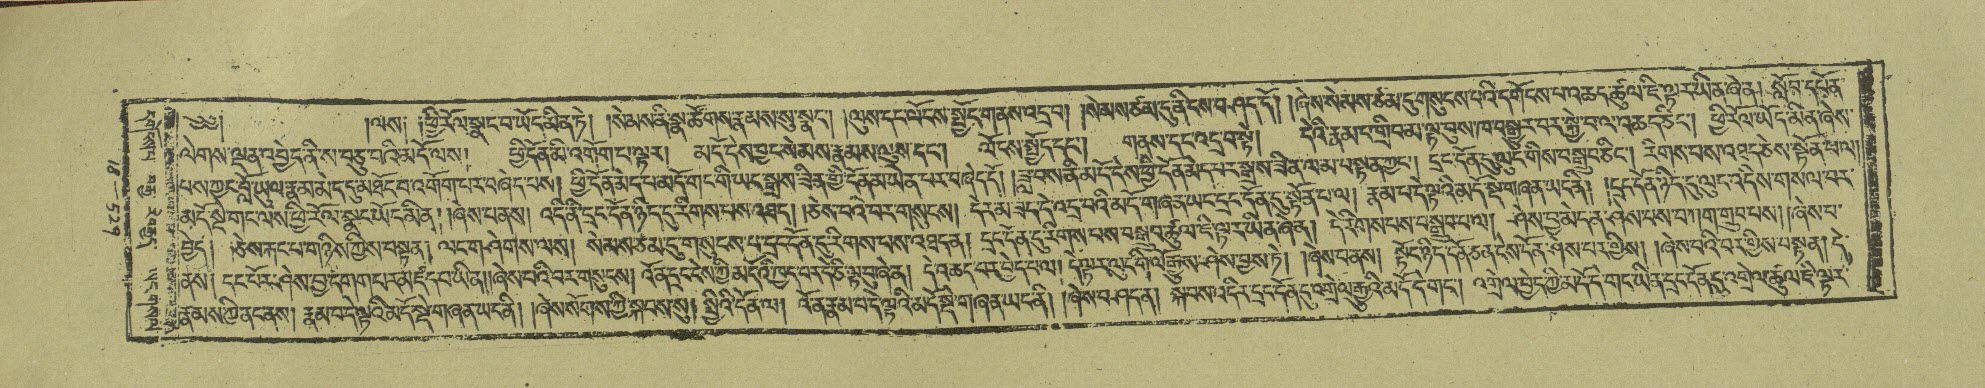༄༅། །ལས། །ཕྱི་རོལ་སྣང་བ་ཡོད་མིན་ཏེ། །སེམས་ནི་སྣ་ཚོགས་རྣམས་སུ་སྣང་། །ལུས་དང་ལོངས་སྤྱོད་གནས་འདྲ་བ། །སེམས་ཙམ་དུ་ནི་ངས་བཤད་དོ། །ཞེས་སེམས་ཙམ་དུ་གསུངས་པའི་དགོངས་པ་འཆད་ཚུལ་ཇི་ལྟར་ཡིན་ཞེ་ན། སློབ་དཔོན་
ལེགས་ལྡན་འབྱེད་ནི་ས་བཅུ་པའི་མདོ་ལས། ཕྱི་དོན་མི་འགོག་པ་ལྟར། མདོ་དེས་བྱང་སེམས་རྣམས་ལུས་དང་། ལོངས་སྤྱོད་དང་། གནས་དང་འདྲ་བ་སྟེ། དེའི་རྣམ་པ་གྲིབ་མ་ལྟ་བུས་ཁ་བསྒྱུར་བར་སྐྱེ་བ་ལ་འཆད་ཅིང་། ཕྱི་རོལ་ཡོད་མིན་ཞེས་
པས་ཀྱང་བློ་ཡུལ་རྣམ་མེད་དུ་མཐོང་བ་འགོག་པར་བཞེད་པས། ཕྱི་དོན་མེད་པ་མདོ་གང་གི་ཡང་སྒྲས་ཟིན་གྱི་དོན་མ་ཡིན་པར་བཞེད་དོ། །ཟླ་བས་ནི་མདོ་དེས་ཕྱི་དོན་མེད་པར་སྒྲས་ཟིན་ལམ་བསྟན་ཀྱང་། དྲང་དོན་དུ་ལུང་གིས་བསྒྲུབ་ཅིང་། རིགས་པས་འཐད་ཅེས་སྟོན་པ་ལ་
མདོ་སྡེ་གང་ལས་ཕྱི་རོལ་སྣང་ཡོད་མིན། །ཞེས་པ་ནས། འདི་ནི་དྲང་དོན་ཉིད་དུ་རིགས་པས་འཐད། །ཅེས་པའི་བར་གསུངས། དེར་མ་ཟད་དེ་འདྲ་བའི་མདོ་གཞན་ཡང་དྲང་དོན་དུ་སྟོན་པ་ལ། རྣམ་པ་དེ་ལྟའི་མདོ་སྡེ་གཞན་ཡང་ནི། །དྲང་དོན་ཉིད་དུ་ལུང་འདིས་གསལ་བར་
བྱེད། །ཅེས་རྐང་པ་གཉིས་ཀྱིས་བསྟན། ལང་གཤེགས་ལས། སེམས་ཙམ་དུ་གསུངས་པ་དྲང་དོན་དུ་རིགས་པས་འཐད་ན། དྲང་དོན་དུ་རིགས་པས་བསྒྲུབ་ཚུལ་ཇི་ལྟར་ཡིན་ཞེ་ན། དེ་རིགས་པས་བསྒྲུབ་པ་ལ། ཤེས་བྱ་མེད་ན་ཤེས་པས་བཀག་གྲུབ་པས། །ཞེས་པ་
ནས། དང་པོར་ཤེས་བྱ་དགག་པར་མཛད་པ་ཡིན། །ཞེས་པའི་བར་གསུངས། འོ་ན་དྲང་ངེས་ཀྱི་མདོའི་ཁྱད་པར་དེ་ཅི་ལྟ་བུ་ཞེ་ན། དེ་འཆད་པར་བྱེད་པ་ལ། དེ་ལྟར་ལུང་གི་ལོ་རྒྱུས་ཤེས་བྱས་ཏེ། །ཞེས་པ་ནས། སྟོང་ཉིད་དོན་ཅན་ངེས་དོན་ཤེས་པར་གྱིས། །ཞེས་པའི་བར་གྱིས་བསྟན། དེ་
རྣམས་ཀྱི་ནང་ནས། རྣམ་པ་དེ་ལྟའི་མདོ་སྡེ་གཞན་ཡང་ནི། །ཞེས་སོགས་ཀྱི་སྐབས་སུ། སྤྱིའི་དོན་ལ། འོ་ན་རྣམ་པ་དེ་ལྟའི་མདོ་སྡེ་གཞན་ཡང་ནི། །ཞེས་བཤད་ན། སྐབས་འདིར་དྲང་དོན་དུ་འགྲེལ་རྒྱུའི་མདོ་དེ་གང་། འགྲེལ་བྱེད་ཀྱི་མདོ་དེ་གང་ཡིན་དྲང་དོན་དུ་འགྲེལ་ཚུལ་ཇི་ལྟར་